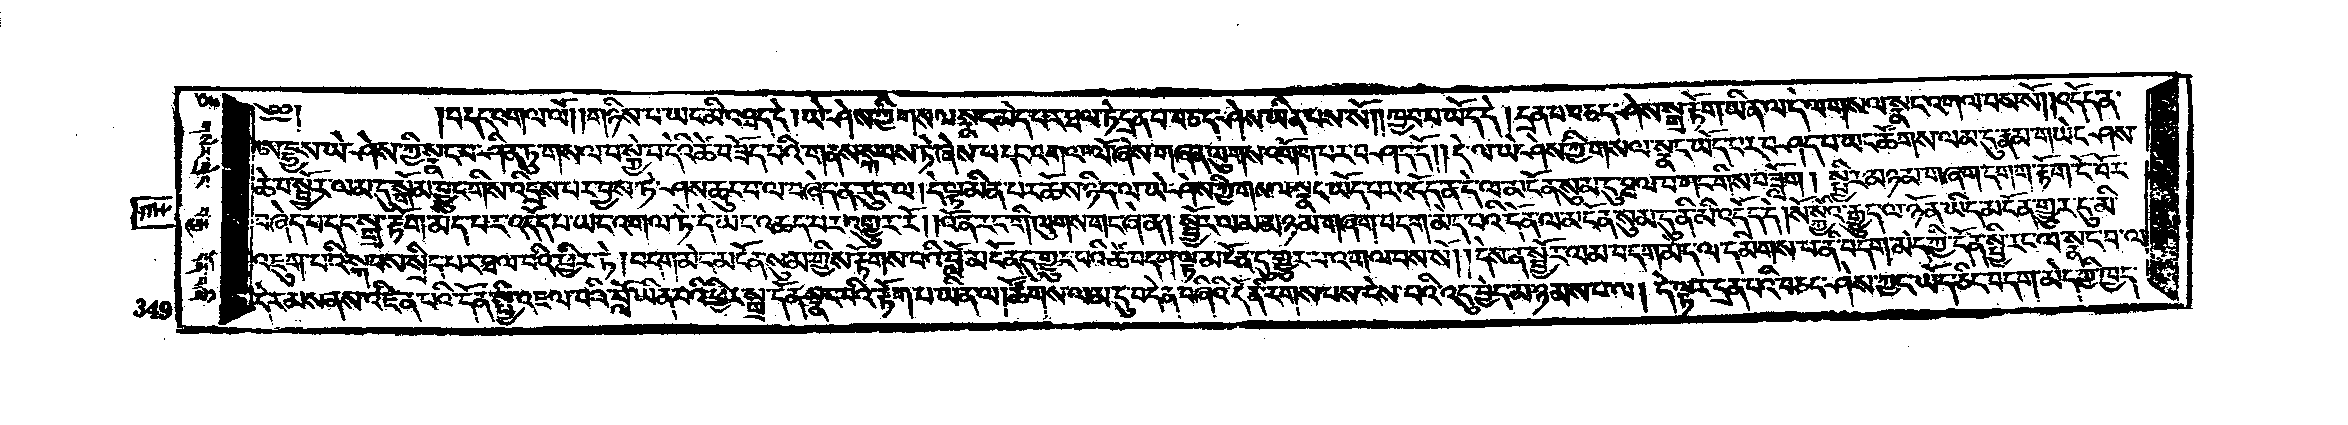༄༅། །པ་དང་འགལ་ལོ། །གཉིས་པ་ཡང་མི་འཐད་དེ། ཡེ་ཤེས་ཀྱི་གསལ་སྣང་མེད་པར་ཐལ་ཏེ་དྲན་པ་བཅད་ཤེས་ཡིན་པས་སོ། །ཁྱབ་པ་ཡོད་དེ། དྲན་པ་བཅད་ཤེས་སྒྲ་རྟོག་ཡིན་ལ་དེ་ལ་གསལ་སྣང་འགལ་བས་སོ། །འདོད་ན་
ཨ་བྷྱས་ཡེ་ཤེས་ཀྱི་སྣང་བ་ཤིན་ཏུ་གསལ་བ་སྐྱེ་བ་དེའི་ཚེ་བཟོད་པའི་གནས་སྐབས་ཏེ་ཞེས་པ་དང་འགལ་ལོ་ཞེས་གཞན་ལུགས་འགོག་པར་བཤད་དོ། །དེ་ལ་ཡེ་ཤེས་ཀྱི་གསལ་སྣང་ཡོད་པར་བཤད་པ་ཡང་ཚོགས་ལམ་དུ་རྣམ་གཡེང་ཤེས་
ཆེ་བ་སྦྱོར་ལམ་དུ་སྒོམ་བྱུང་གིས་འདྲིས་པར་བྱས་ཏེ་ཤས་ཆུང་བ་ལ་བཞེད་ན་རུང་ལ། དེ་ལྟ་མིན་པར་ཆོས་ཉིད་ལ་ཡེ་ཤེས་ཀྱི་གསལ་སྣང་ཡོད་པར་འདོད་ན་དེ་ལ་མངོན་སུམ་དུ་ཐལ་བ་གང་གིས་བཟློག །སྤྱིར་མཉམ་གཞག་དགག་རྟོག་ངོ་བོར་
བཞེད་པ་དང་སྒྲ་རྟོག་མེད་པར་འདོད་པ་ཡང་འགལ་ཏེ་དེ་ཡང་འཆད་པར་འགྱུར་རོ། །འོ་ན་རང་གི་ལུགས་གང་ཞེ་ན། སྦྱོར་ལམ་མཉམ་གཞག་བདག་མེད་པའི་དོན་ལ་མངོན་སུམ་དུ་ནི་མི་འདོད་དེ། སོ་སྐྱེའི་རྒྱུད་ལ་ཉོན་ཡིད་མངོན་གྱུར་དུ་མི་
འཇུག་པའི་སྐབས་སྲིད་པར་ཐལ་བའི་ཕྱིར་ཏེ། བདག་མེད་མངོན་སུམ་གྱིས་རྟོགས་པའི་བློ་མངོན་དུ་གྱུར་པའི་ཚེ་བདག་ལྟ་མངོན་དུ་གྱུར་པ་འགལ་བས་སོ། །དེས་ན་སྦྱོར་ལམ་བདག་མེད་ལ་དམིགས་པ་ནི་བདག་མེད་ཀྱི་དོན་སྤྱི་རང་ལ་སྣང་བ་ལ་
དེར་མོས་ནས་འཛིན་པའི་དོན་སྤྱི་འཇལ་བའི་བློ་ཡིན་པའི་ཕྱིར་སྒྲ་དོན་སྣང་བའི་རྟོག་པ་ཡིན་ལ། ཚོགས་ལམ་དུ་བདེན་བཞིའི་དོན་རིགས་པས་ངེས་པའི་འདུ་བྱེད་མ་ཉམས་པ་ལ། དེ་ལྟར་དྲན་པའི་བཅད་ཤེས་ཀྱང་ཡོད་ཅིང་བདག་མེད་ཀྱི་ཁྱད་